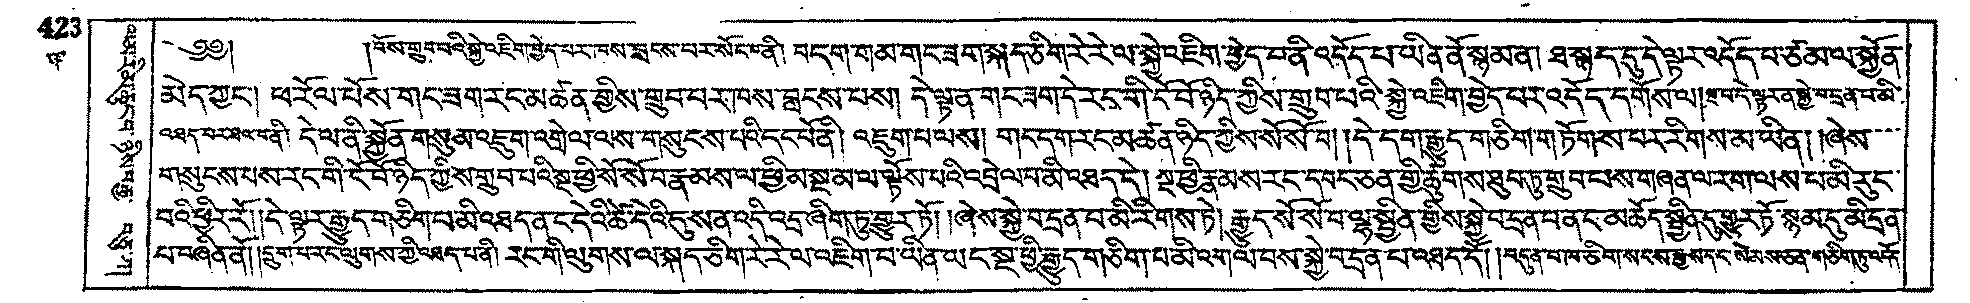༄༅། །བོས་གྲུབ་པའི་སྐྱེ་འཇིག་བྱེད་པར་ཁས་བླངས་པར་སོང་བ་ནི།  བདག་གམ་གང་ཟག་སྐད་ཅིག་རེ་རེ་ལ་སྐྱེ་འཇིག་བྱེད་པ་ནི་འདོད་པ་ཡིན་ནོ་སྙམ་ན། ཐ་སྙད་དུ་དེ་ལྟར་འདོད་པ་ཙམ་ལ་སྐྱོན་
མེད་ཀྱང་། ཕ་རོལ་པོས་གང་ཟག་རང་མཚན་གྱིས་གྲུབ་པར་ཁས་བླངས་པས། དེ་ལྟ་ན་གང་ཟག་དེ་རང་གི་ངོ་བོ་ཉིད་ཀྱིས་གྲུབ་པའི་སྐྱེ་འཇིག་བྱེད་པར་འདོད་དགོས་ལ། ལྔ་པ་དེ་ལྟར་ན་སྐྱེ་བ་དྲན་པ་མི་
འཐད་པར་ཐའ་བ་ནི། དེ་ལ་ནི་སྐྱོན་གསུམ་འཇུག་འགྲེལ་ལས་གསུངས་པའི་དང་པོ་ནི། འཇུག་པ་ལས། གང་དག་རང་མཚན་ཉིད་ཀྱིས་སོ་སོ་བ། །དེ་དག་རྒྱུད་གཅིག་གཏོགས་པར་རིགས་མ་ཡིན། །ཞེས་
གསུངས་པས་རང་གི་ངོ་བོ་ཉིད་ཀྱིས་གྲུབ་པའི་སྔ་ཕྱི་སོ་སོ་བ་རྣམས་ལ་ཕྱི་མ་སྔ་མ་ལ་ལྟོས་པའི་འབྲེལ་བ་མི་འཐད་དེ། སྔ་ཕྱི་རྣམས་རང་དབང་ཅན་གྱི་ཚུགས་ཐུབ་ཏུ་གྲུབ་པས་གཞན་ལ་རག་ལས་པ་མི་རུང་
བའི་ཕྱིར་རོ། །དེ་ལྟར་རྒྱུད་གཅིག་པ་མི་འཐད་ན་ང་དེའི་ཚེ་དེའི་དུས་ན་འདི་འདྲ་ཞིག་ཏུ་གྱུར་ཏོ། །ཞེས་སྐྱེ་བ་དྲན་པ་མི་རིགས་ཏེ། རྒྱུད་སོ་སོ་བ་ལྷ་སྦྱིན་གྱིས་སྐྱེ་བ་དྲན་པ་ནང་མཆོད་སྦྱིན་དུ་གྱུར་ཏོ་སྙམ་དུ་མི་དྲན་
པ་བཞིན་ནོ། །དྲུག་པ་རང་ལུགས་ཀྱི་འཐད་པ་ནི།  རང་གི་ལུགས་ལ་སྐད་ཅིག་རེ་རེ་ལ་འཇིག་པ་ཡིན་ཡང་སྔ་ཕྱི་རྒྱུད་གཅིག་པ་མི་འགལ་བས་སྐྱེ་བ་དྲན་པ་འཐད་དོ། །བདུན་པ་ཁ་ཅིག་སངས་རྒྱས་དང་སེམས་ཅན་གཅིག་ཏུ་འདོད་